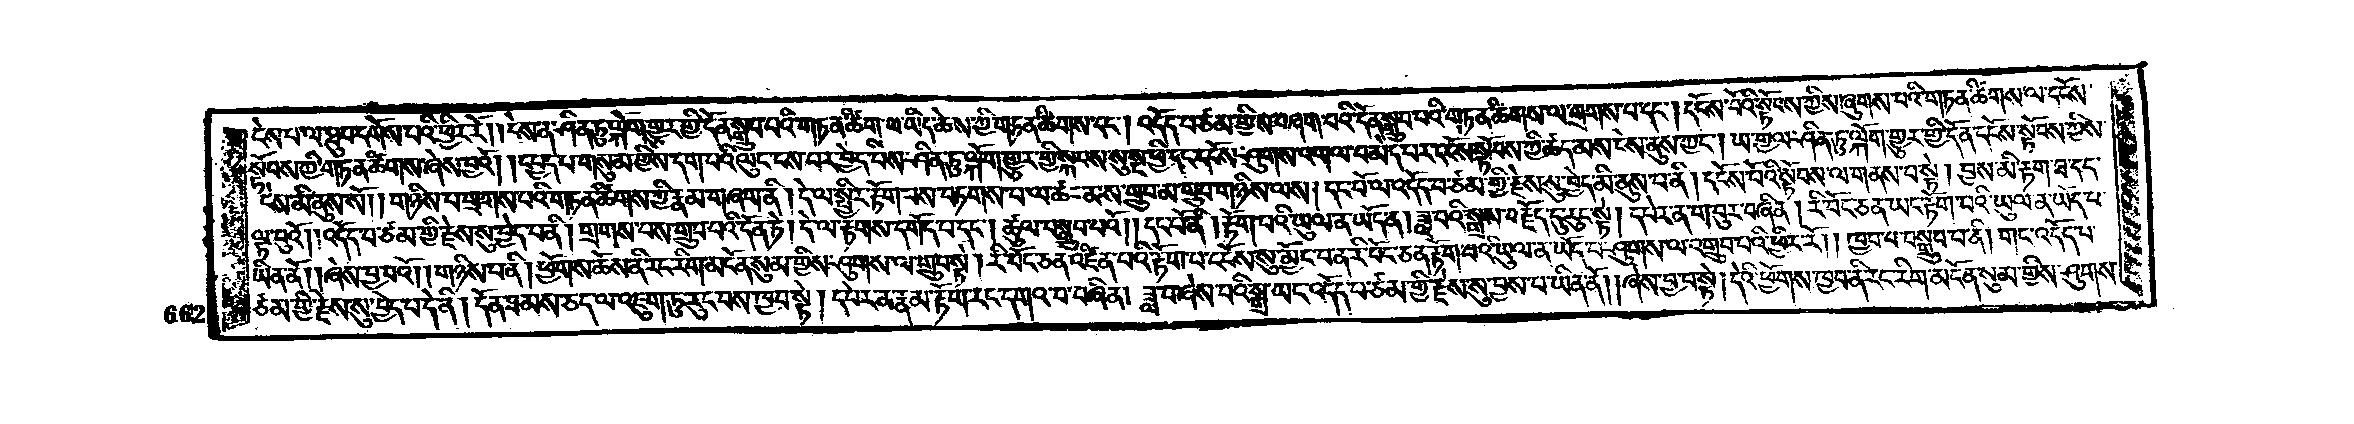ངེས་པ་ལ་ཐུབ་དགོས་པའི་ཕྱིར་རོ། །ངེས་ན་ཤིན་ཏུ་ལྐོག་གྱུར་གྱི་དོན་སྒྲུབ་པའི་གཏན་ཚིག་ལ་ཡིད་ཆེས་ཀྱི་གཏན་ཚིགས་དང་། འདོད་པ་ཙམ་གྱིས་བཞག་པའི་དོན་སྒྲུབ་པའི་གཏན་ཚིགས་ལ་གྲགས་པ་དང་། དངོས་པོའི་སྟོབས་ཀྱིས་ཞུགས་པའི་གཏན་ཚིགས་ལ་དངོས་
སྟོབས་ཀྱི་གཏན་ཚིགས་ཞེས་བྱའོ། །དཔྱད་པ་གསུམ་གྱིས་དག་པའི་ལུང་ངེས་པར་བྱེད་པས་ཤིན་ཏུ་ལྐོག་གྱུར་གྱི་སྐབས་སུ་སྔ་ཕྱི་དང་དངོས་ཤུགས་འགལ་བ་མེད་པར་དངོས་སྟོབས་ཀྱི་ཚད་མས་ངེས་ནུས་ཀྱང་། ཡ་གྱལ་ཤིན་ཏུ་ལྐོག་གྱུར་གྱི་དོན་དངོས་སྟོབས་ཀྱིས་
ངེས་མི་ནུས་སོ། །གཉིས་པ་གྲགས་པའི་གཏན་ཚིགས་ཀྱི་རྣམ་གཞག་ནི། དེ་ལ་སྤྱིར་རྟོག་པས་བཏགས་པ་ལ་ཚད་མས་གྲུབ་མ་གྲུབ་གཉིས་ལས། དང་པོ་ལ་འདོད་པ་ཙམ་གྱི་རྗེས་སུ་བྱེད་མི་ནུས་པ་ནི། དངོས་པོའི་སྟོབས་ལ་གནས་པ་སྟེ། བྱས་མི་རྟག་ཐ་དད་
ལྟ་བུའོ། །འདོད་པ་ཙམ་གྱི་རྗེས་སུ་བྱེད་པ་ནི། གྲགས་པས་གྲུབ་པའི་དོན་ཏེ། དེ་ལ་རྟགས་དགོད་པ་དང་། ཚུལ་བསྒྲུབ་པའོ། །དང་པོ་ནི། རྟོག་པའི་ཡུལ་ན་ཡོད་ན། ཟླ་བའི་སྒྲས་བརྗོད་དུ་རུང་སྟེ། དཔེར་ན་ག་བུར་བཞིན། རི་བོང་ཅན་ཡང་རྟོག་པའི་ཡུལ་ན་ཡོད་པ་
ཡིན་ནོ། །ཞེས་བྱ་བའོ། །གཉིས་པ་ནི། ཕྱོགས་ཆོས་ནི་རང་རིག་མངོན་སུམ་གྱི་ཤུགས་ལ་གྲུབ་སྟེ། རི་བོང་ཅན་འཛིན་པའི་རྟོག་པ་དངོས་སུ་མྱོང་བ་ན་རི་བོང་ཅན་རྟོག་པའི་པའི་ཡུལ་ན་ཡོད་པ་ཤུགས་ལ་འགྲུབ་པའི་ཕྱིར་རོ། །ཁྱབ་པ་བསྒྲུབ་པ་ནི། གང་འདོད་པ་
ཙམ་གྱི་རྗེས་སུ་བྱེད་པ་དེ་ནི། དོན་ཐམས་ཅད་ལ་འཇུག་ཏུ་རུང་བས་ཁྱབ་སྟེ། དཔེར་ན་རྣམ་རྟོག་རང་དགའ་བ་བཞིན། ཟླ་བ་ཞེས་པའི་སྒྲ་ཡང་འདོད་པ་ཙམ་གྱི་རྗེས་སུ་བྱས་པ་ཡིན་ནོ། །ཞེས་བྱ་བ་སྟེ། དེའི་ཕྱོགས་ཁྱབ་ནི་རང་རིག་མངོན་སུམ་གྱིས་ཤུགས་